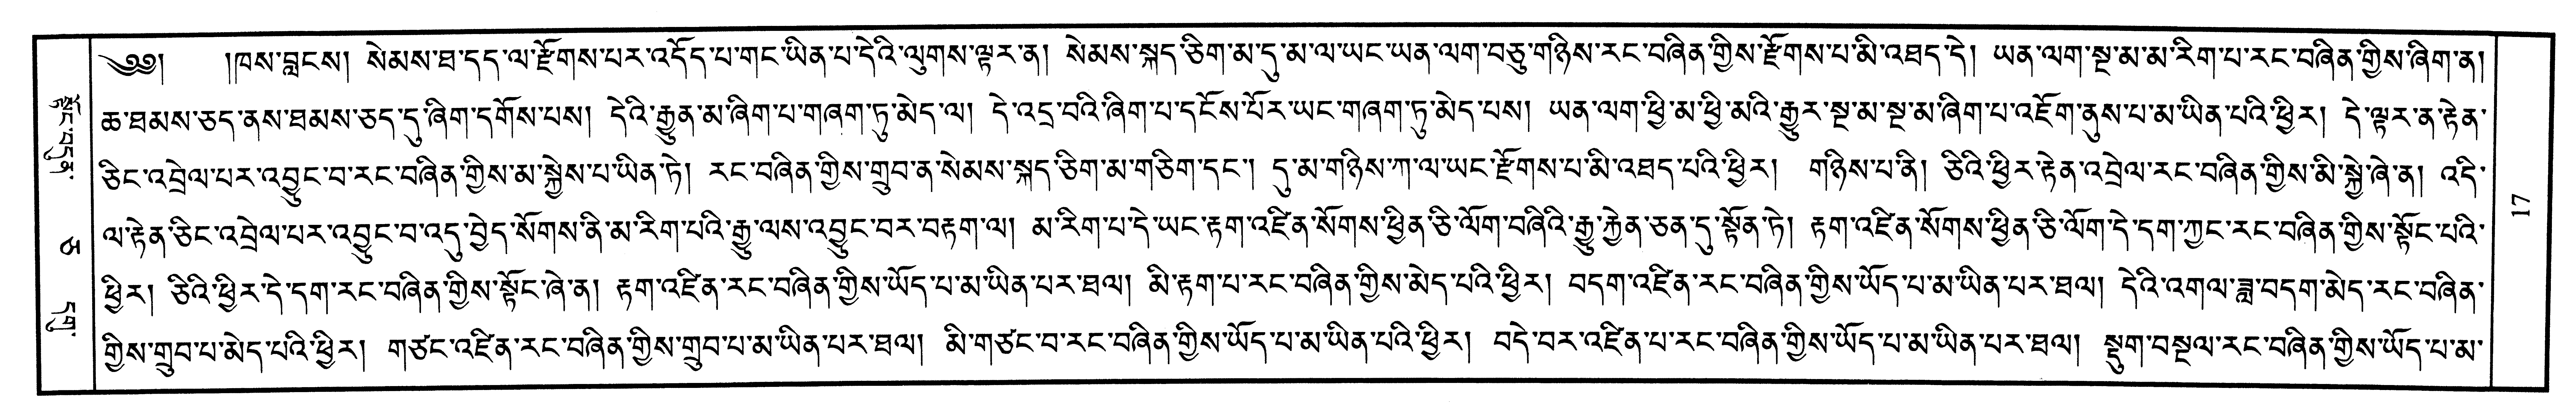༄༅། །ཁས་བླངས། སེམས་ཐ་དད་ལ་རྫོགས་པར་འདོད་པ་གང་ཡིན་པ་དེའི་ལུགས་ལྟར་ན། སེམས་སྐད་ཅིག་མ་དུ་མ་ལ་ཡང་ཡན་ལག་བཅུ་གཉིས་རང་བཞིན་གྱིས་རྫོགས་པ་མི་འཐད་དེ། ཡན་ལག་སྔ་མ་མ་རིག་པ་རང་བཞིན་གྱིས་ཞིག་ན།
ཆ་ཐམས་ཅད་ནས་ཐམས་ཅད་དུ་ཞིག་དགོས་པས། དེའི་རྒྱུན་མ་ཞིག་པ་གཞག་ཏུ་མེད་ལ། དེ་འདྲ་བའི་ཞིག་པ་དངོས་པོར་ཡང་གཞག་ཏུ་མེད་པས། ཡན་ལག་ཕྱི་མ་ཕྱི་མའི་རྒྱུར་སྔ་མ་སྔ་མ་ཞིག་པ་འཇོག་ནུས་པ་མ་ཡིན་པའི་ཕྱིར། དེ་ལྟར་ན་རྟེན་
ཅིང་འབྲེལ་པར་འབྱུང་བ་རང་བཞིན་གྱིས་མ་སྐྱེས་པ་ཡིན་ཏེ། རང་བཞིན་གྱིས་གྲུབ་ན་སེམས་སྐད་ཅིག་མ་གཅིག་དང་། དུ་མ་གཉིས་ཀ་ལ་ཡང་རྫོགས་པ་མི་འཐད་པའི་ཕྱིར། གཉིས་པ་ནི། ཅིའི་ཕྱིར་རྟེན་འབྲེལ་རང་བཞིན་གྱིས་མི་སྐྱེ་ཞེ་ན། འདི་
ལ་རྟེན་ཅིང་འབྲེལ་པར་འབྱུང་བ་འདུ་བྱེད་སོགས་ནི་མ་རིག་པའི་རྒྱུ་ལས་འབྱུང་བར་བརྟག་ལ། མ་རིག་པ་དེ་ཡང་རྟག་འཛིན་སོགས་ཕྱིན་ཅི་ལོག་བཞིའི་རྒྱུ་རྐྱེན་ཅན་དུ་སྟོན་ཏེ། རྟག་འཛིན་སོགས་ཕྱིན་ཅི་ལོག་དེ་དག་ཀྱང་རང་བཞིན་གྱིས་སྟོང་པའི་
ཕྱིར། ཅིའི་ཕྱིར་དེ་དག་རང་བཞིན་གྱིས་སྟོང་ཞེ་ན། རྟག་འཛིན་རང་བཞིན་གྱིས་ཡོད་པ་མ་ཡིན་པར་ཐལ། མི་རྟག་པ་རང་བཞིན་གྱིས་མེད་པའི་ཕྱིར། བདག་འཛིན་རང་བཞིན་གྱིས་ཡོད་པ་མ་ཡིན་པར་ཐལ། དེའི་འགལ་ཟླ་བདག་མེད་རང་བཞིན་
གྱིས་གྲུབ་པ་མེད་པའི་ཕྱིར། གཙང་འཛིན་རང་བཞིན་གྱིས་གྲུབ་པ་མ་ཡིན་པར་ཐལ། མི་གཙང་བ་རང་བཞིན་གྱིས་ཡོད་པ་མ་ཡིན་པའི་ཕྱིར། བདེ་བར་འཛིན་པ་རང་བཞིན་གྱིས་ཡོད་པ་མ་ཡིན་པར་ཐལ། སྡུག་བསྔལ་རང་བཞིན་གྱིས་ཡོད་པ་མ་